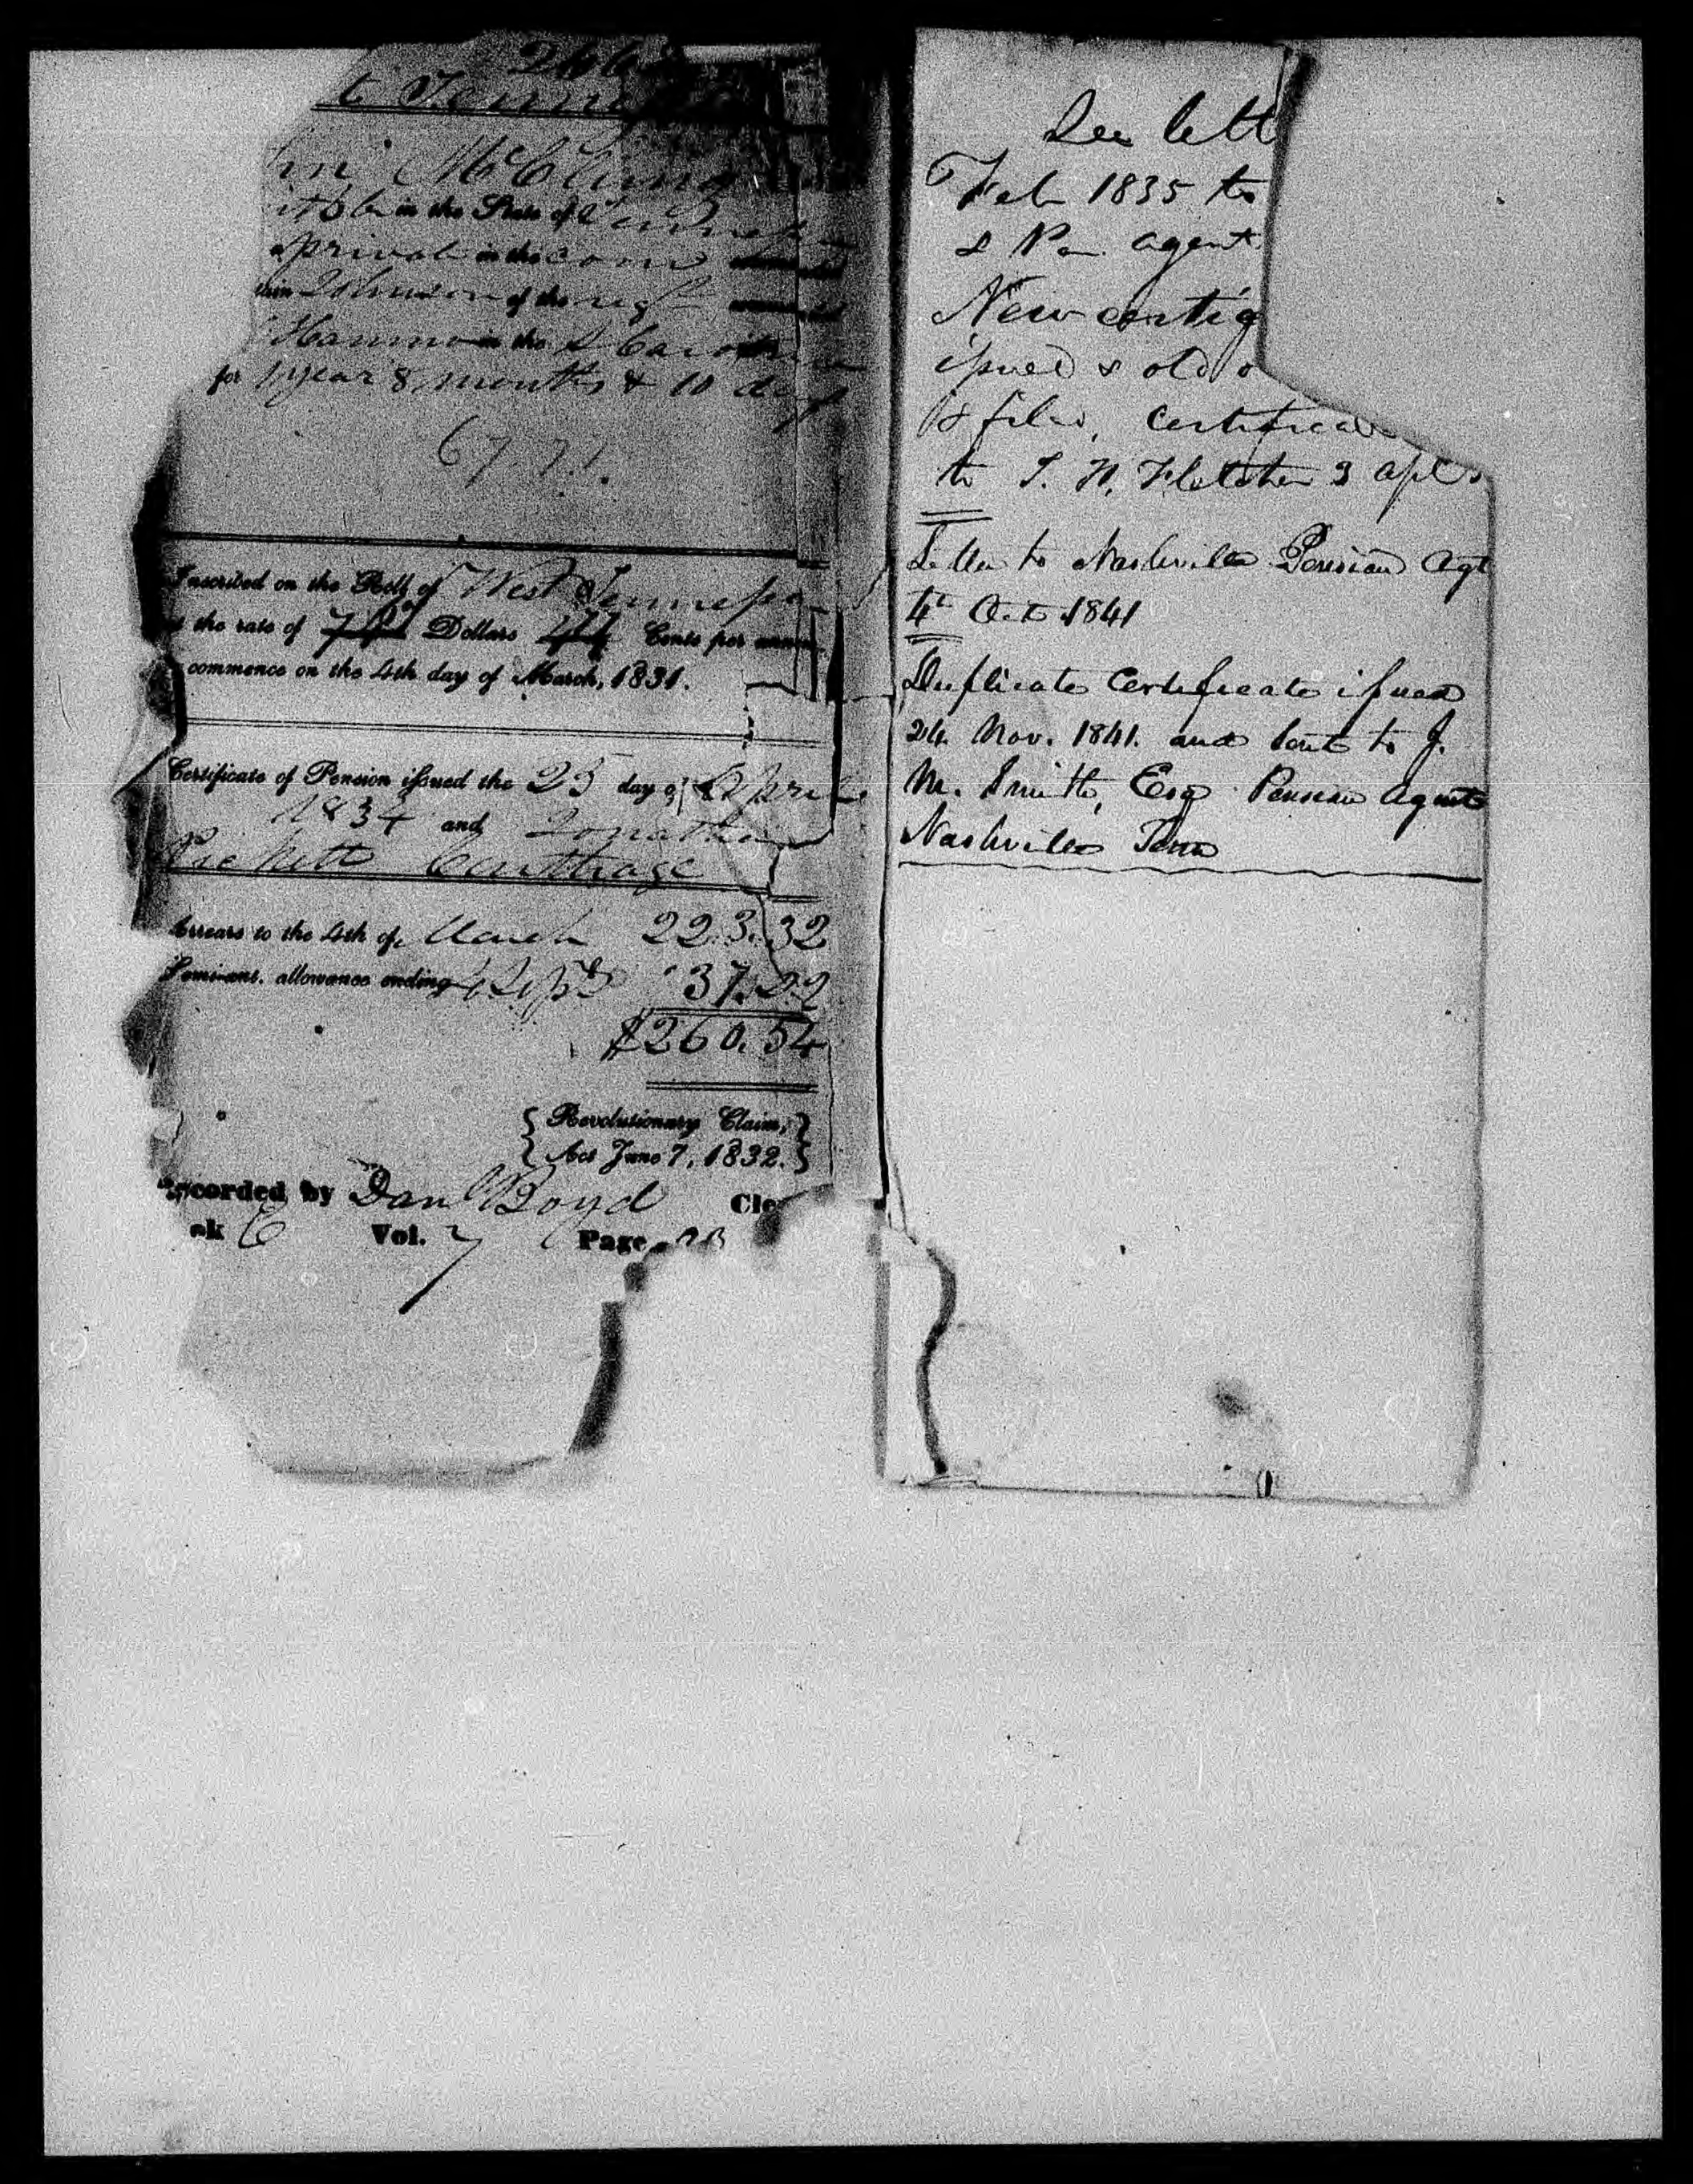[Two panels]
[Left panel - left side of panel torn and text is missing]

266[illegible]
[text missing] Tennessee 
[text missing] McClung
[text missing] a private in the com commanded 
[text missing] tain Johnson of the regt commanded 
[text missing] Hanmon in the S Caro [illegible] 
for 1 year 8 months & 10 days 
67.71

Inscribed on the Roll of West Tennessee 
at the rate of [word struck out] 67 Dollars [word struck out] 71 Cents per annum 
to commence on the 4th day of March 1831.

Certificate of Pension issued the 25 day of April 
1834 and Jonathan 
Pickett Carthage

Arrears to the 4th of March 223.32
Semi anl. allowance ending 4 Sept  37.22
$260.54
======

{ Revolutionary Claim, }
( Act June 7, 1832. }

Recorded by Danl Boyd Cle
ok E Vol. 7 Page [illegible]

[Right panel - text on right side of panel not available]

See lett 
Feb 1835 to 
& Pen. Agent
New certi
issued & old 
& filed.  Certificate 
to T. H. Fletcher 3 Apl
___
Letter to Nashville Pension Agt
4th October 1841
___
Duplicate Certificate issued 
24 Nov. 1841 and sent to J. 
M. Smith, Esq. Pension Agent 
Nashville Tenn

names: T H Fletcher; [BLANK] Johnson; Jonathan Pickett; J M Smith; Danl Boyd; [BLANK] Hanmon; John Mc Clung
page: 2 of 115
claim: widow's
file: W. 1446, for John Mc Clung, South Carolina